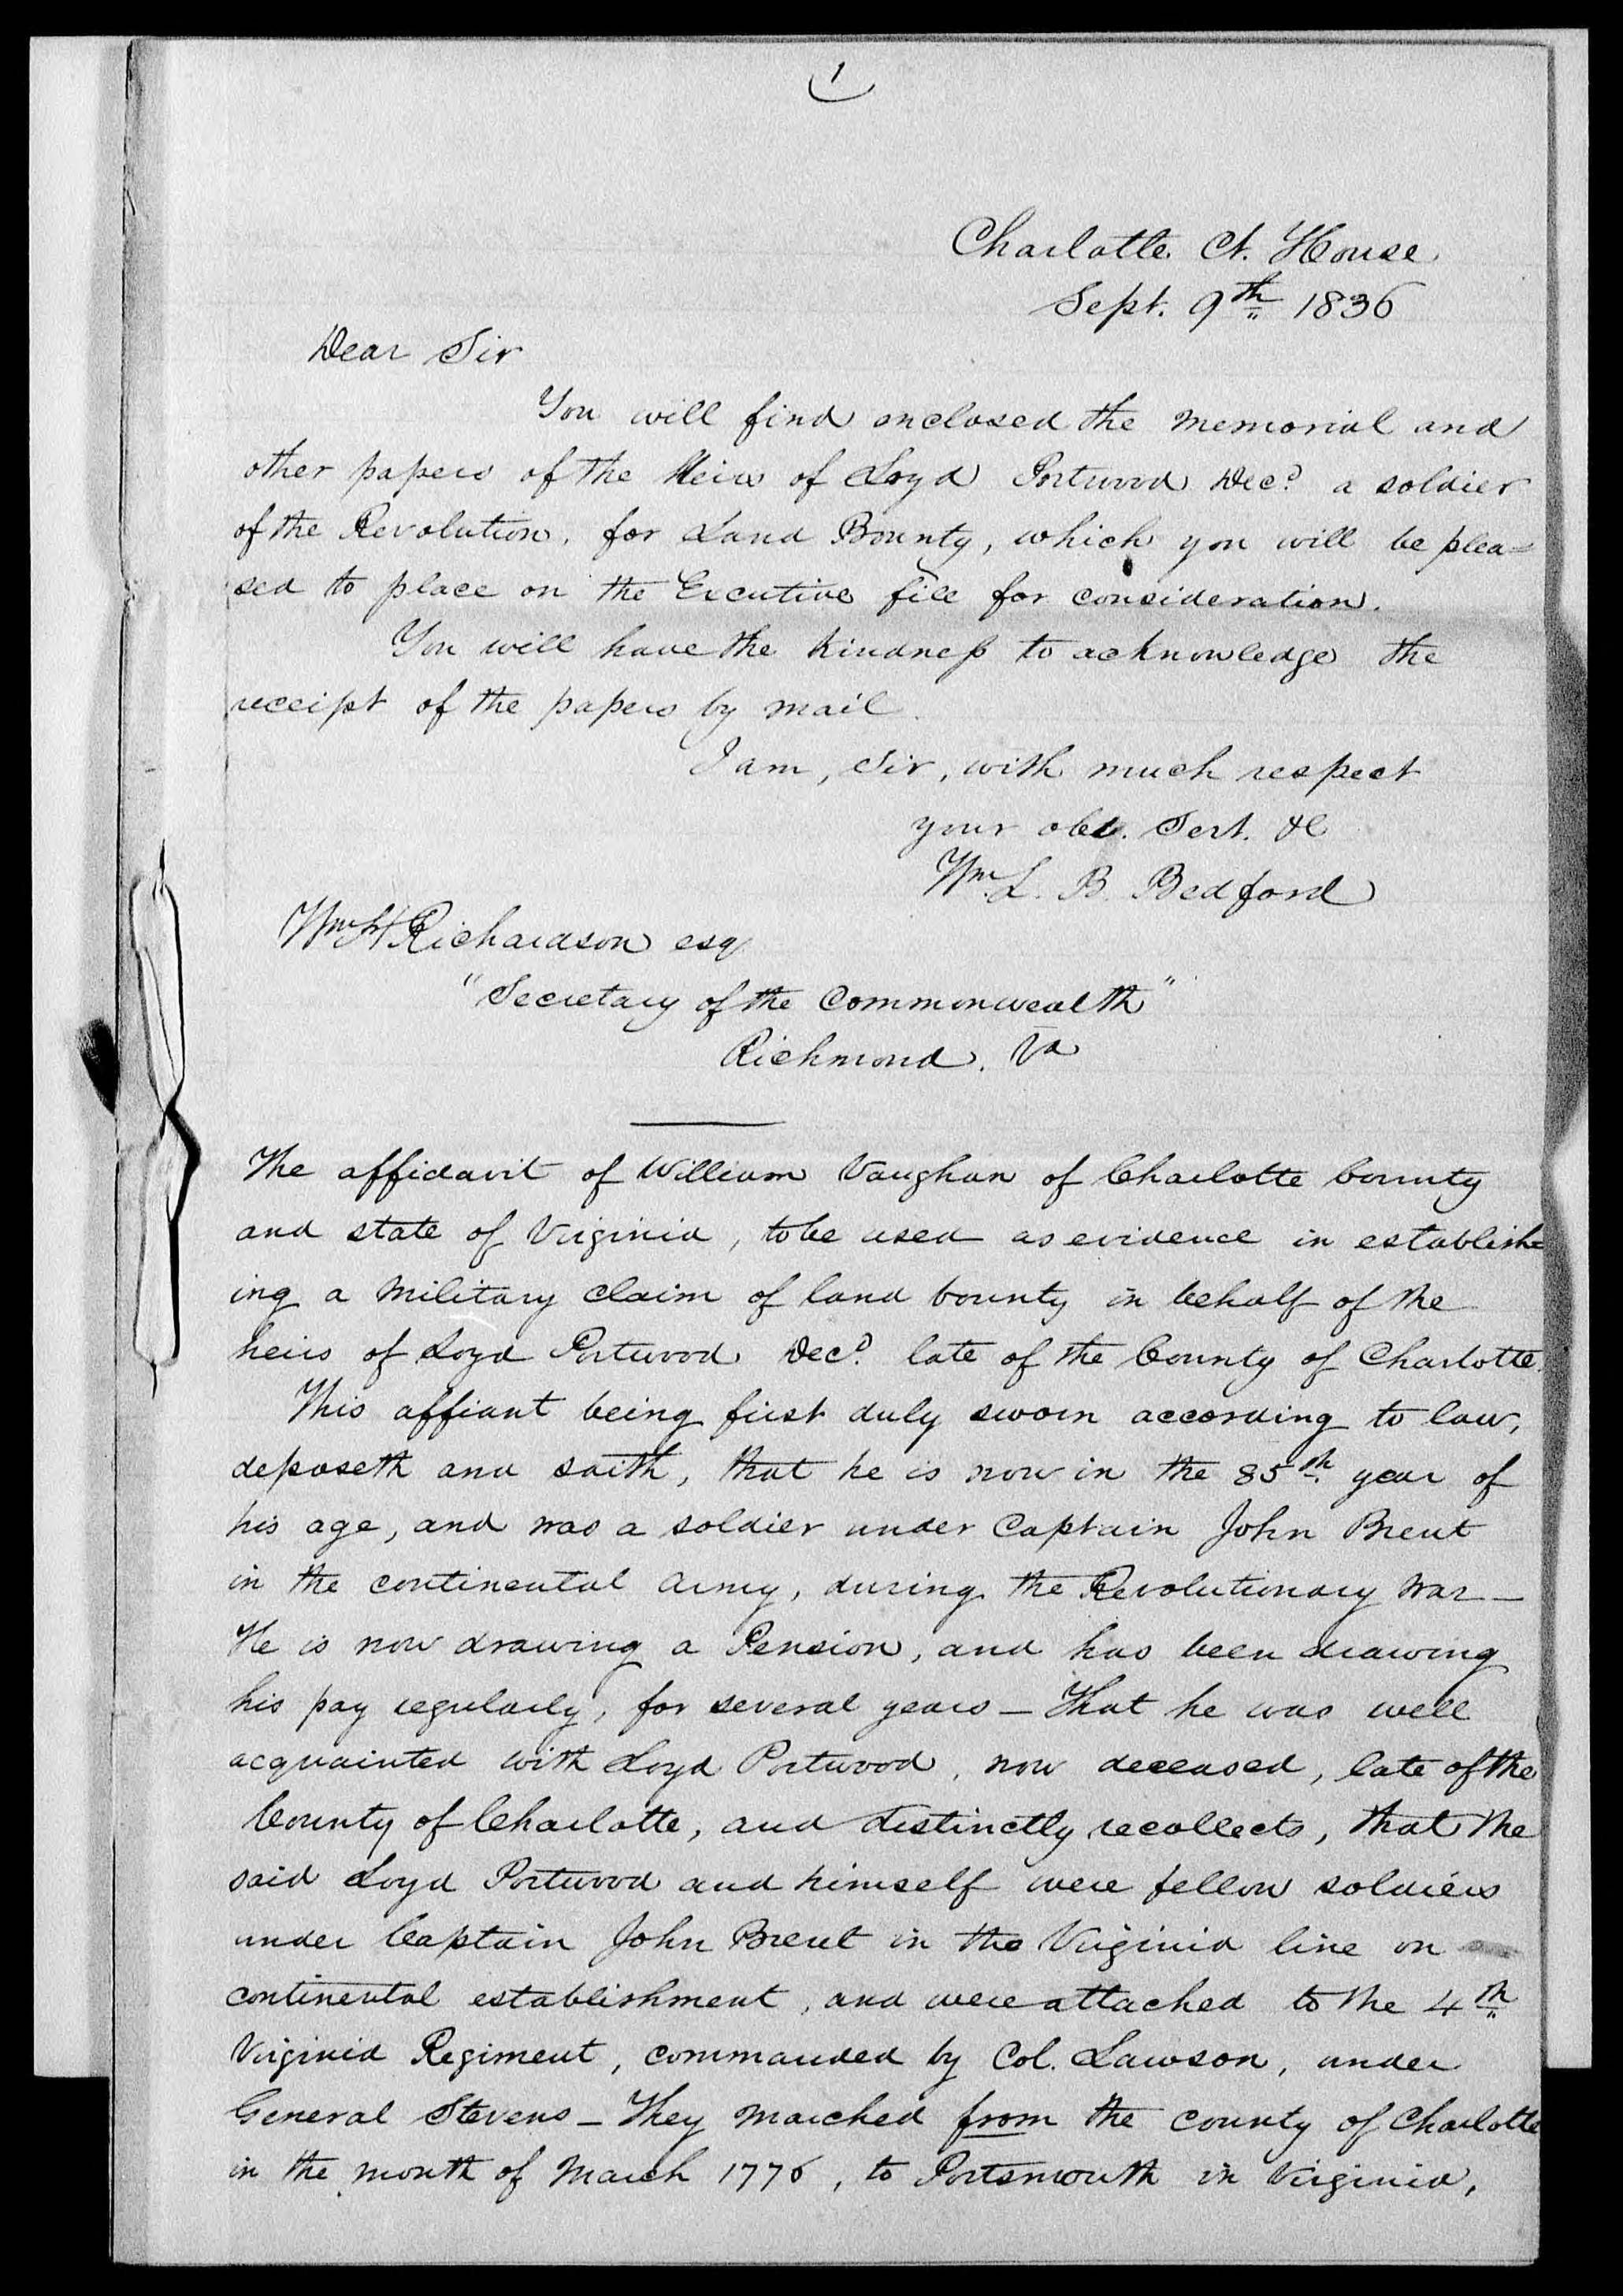1
| Charlotte Ct. House
| Sept. 9th 1836
Dear Sir
You will find enclosed the memorial and
other papers of the Heirs of Loyd Portwood Decd a soldier
of the Revolution, for Land Bounty, which you will be pleased
to place on the Executive file for consideration.
You will have the kindness to acknowledge the
receipt of the papers by mail.
I am, Sir, with much respect
your obt. Sert. &c
Wm L. B. Bedford
Wm H Richardson esq
"Secretary of the Commonwealth"
Richmond, Va
The affidavit of William Vaughan of Charlotte County
and state of Virginia, to be used as evidence in establishing
a military claim of land bounty in behalf of the
heirs of Loyd Portwood Decd. late of the County of Charlotte
This affiant being first duly sworn according to law,
deposeth and saith, that he is now in the 85th year of
his age, and was a soldier under Captain John Brent
in the continental army; during the Revolutionary War-
He is now drawing a Pension, and has been drawing
his pay regularly, for several years - That he was well
acquainted with Loyd Portwood, now deceased, late of the
County of Charlotte, and distinctly recollects, that the
said Loyd Portwood and himself were fellow soldiers
under Captain John Brent in the Virginia line on
continental establishment, and were attached to the 4th
Virginia Regiment, commanded by Col. Lawson, under
General Stevens_ They marched from the County of Charlotte ┃
in the month of March 1776, to Portsmouth in Virginia,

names: John Brent; Wm H Richardson; William Vaughan; [BLANK] Lawson; Wm L B Bedford; Loyd Portwood; [BLANK] Stevens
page: 42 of 50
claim: widow's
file: W. 1929, for Lloyd Portwood, Virginia